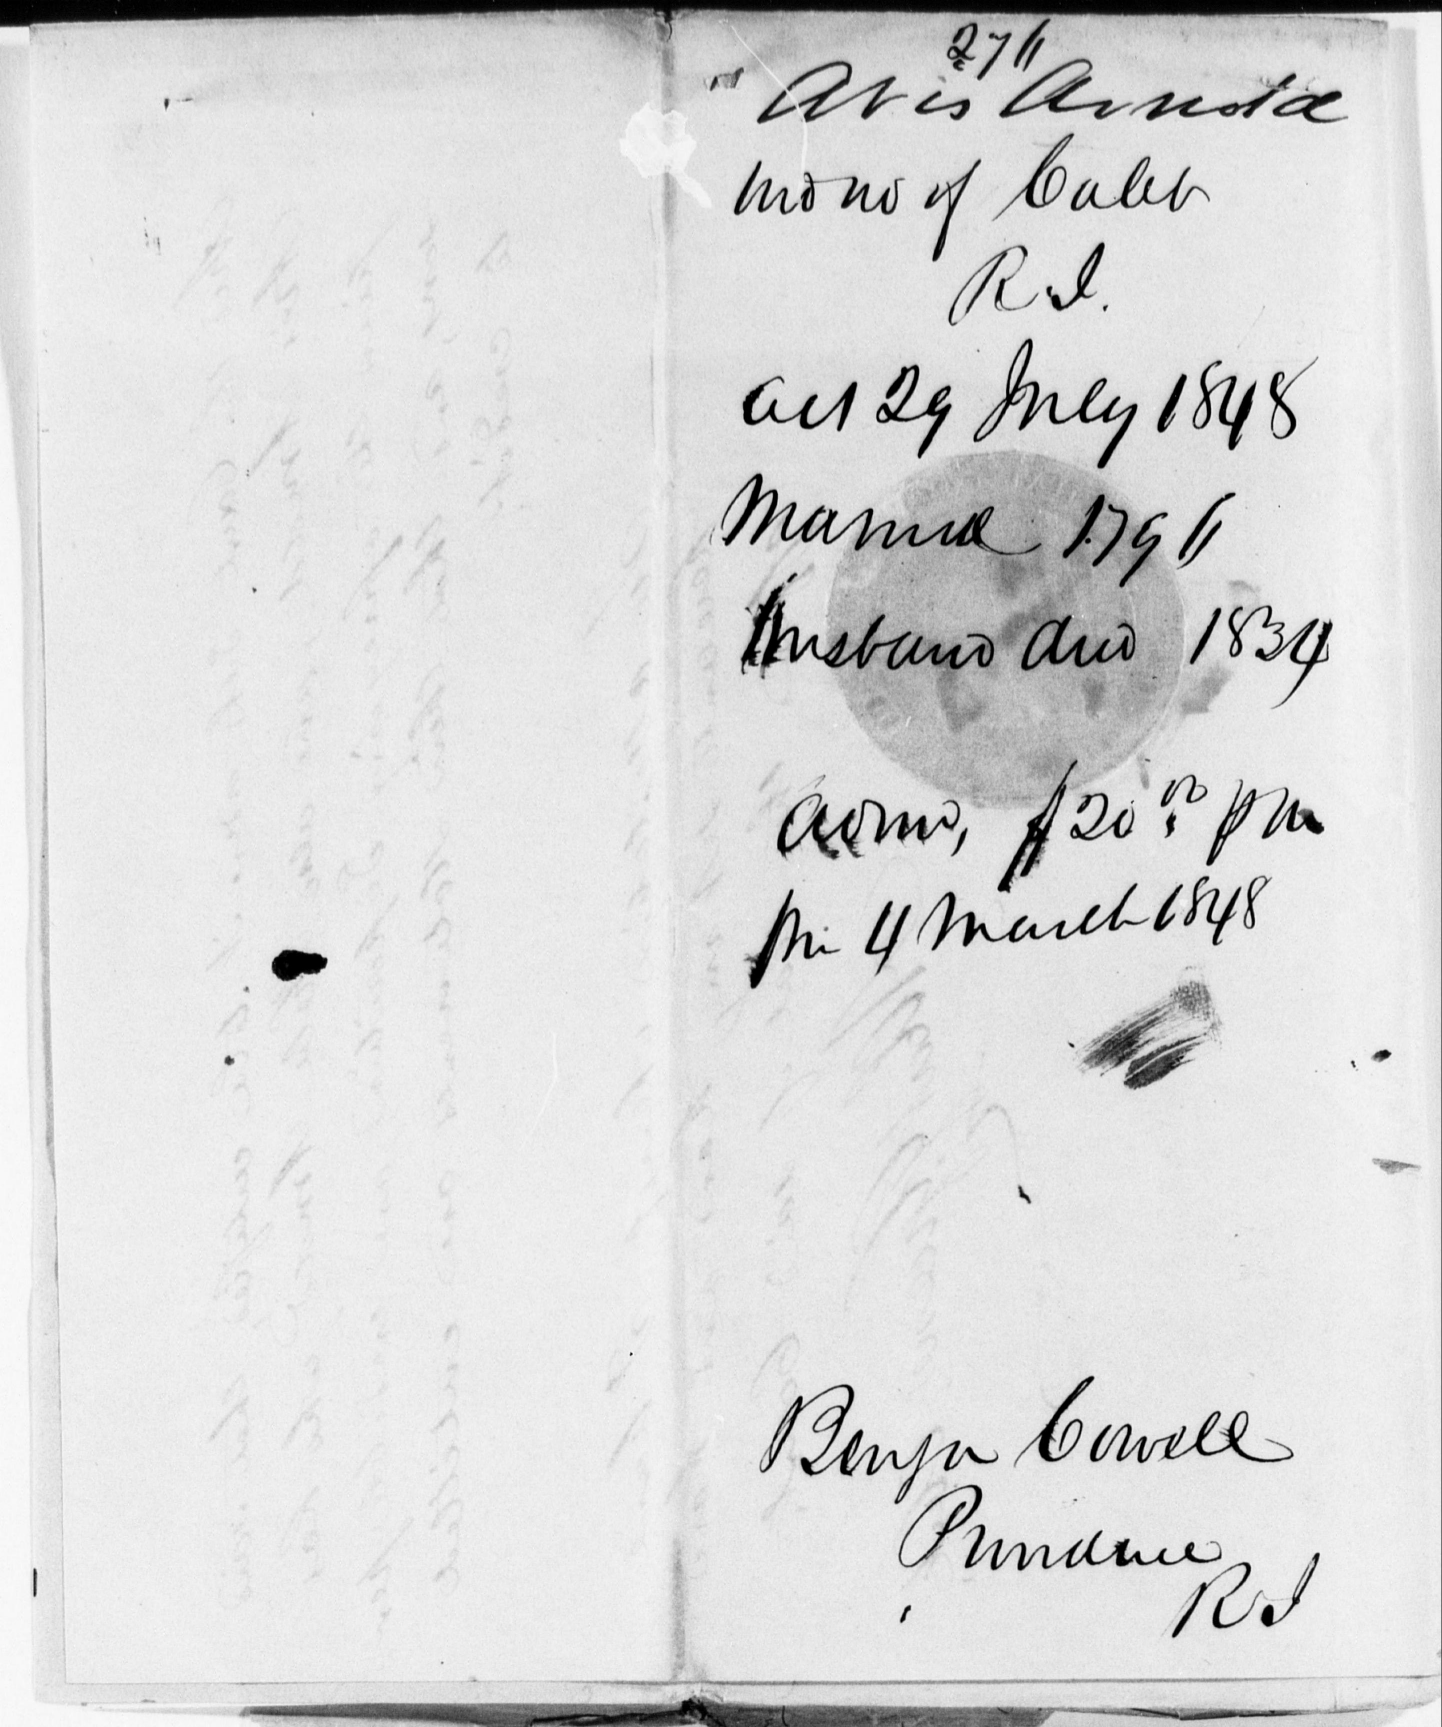271
Avis Arnold
widow of Caleb
R.I.
[illegible] 29 July 1848
married 1791
husband dies 1834
annum, $20.00 pri
[illegible] 4 March 1848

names: Avis Arnold, Benjn Cowell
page: 8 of 29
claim: widow's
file: W. 2582, Caleb Arnold, R.I.